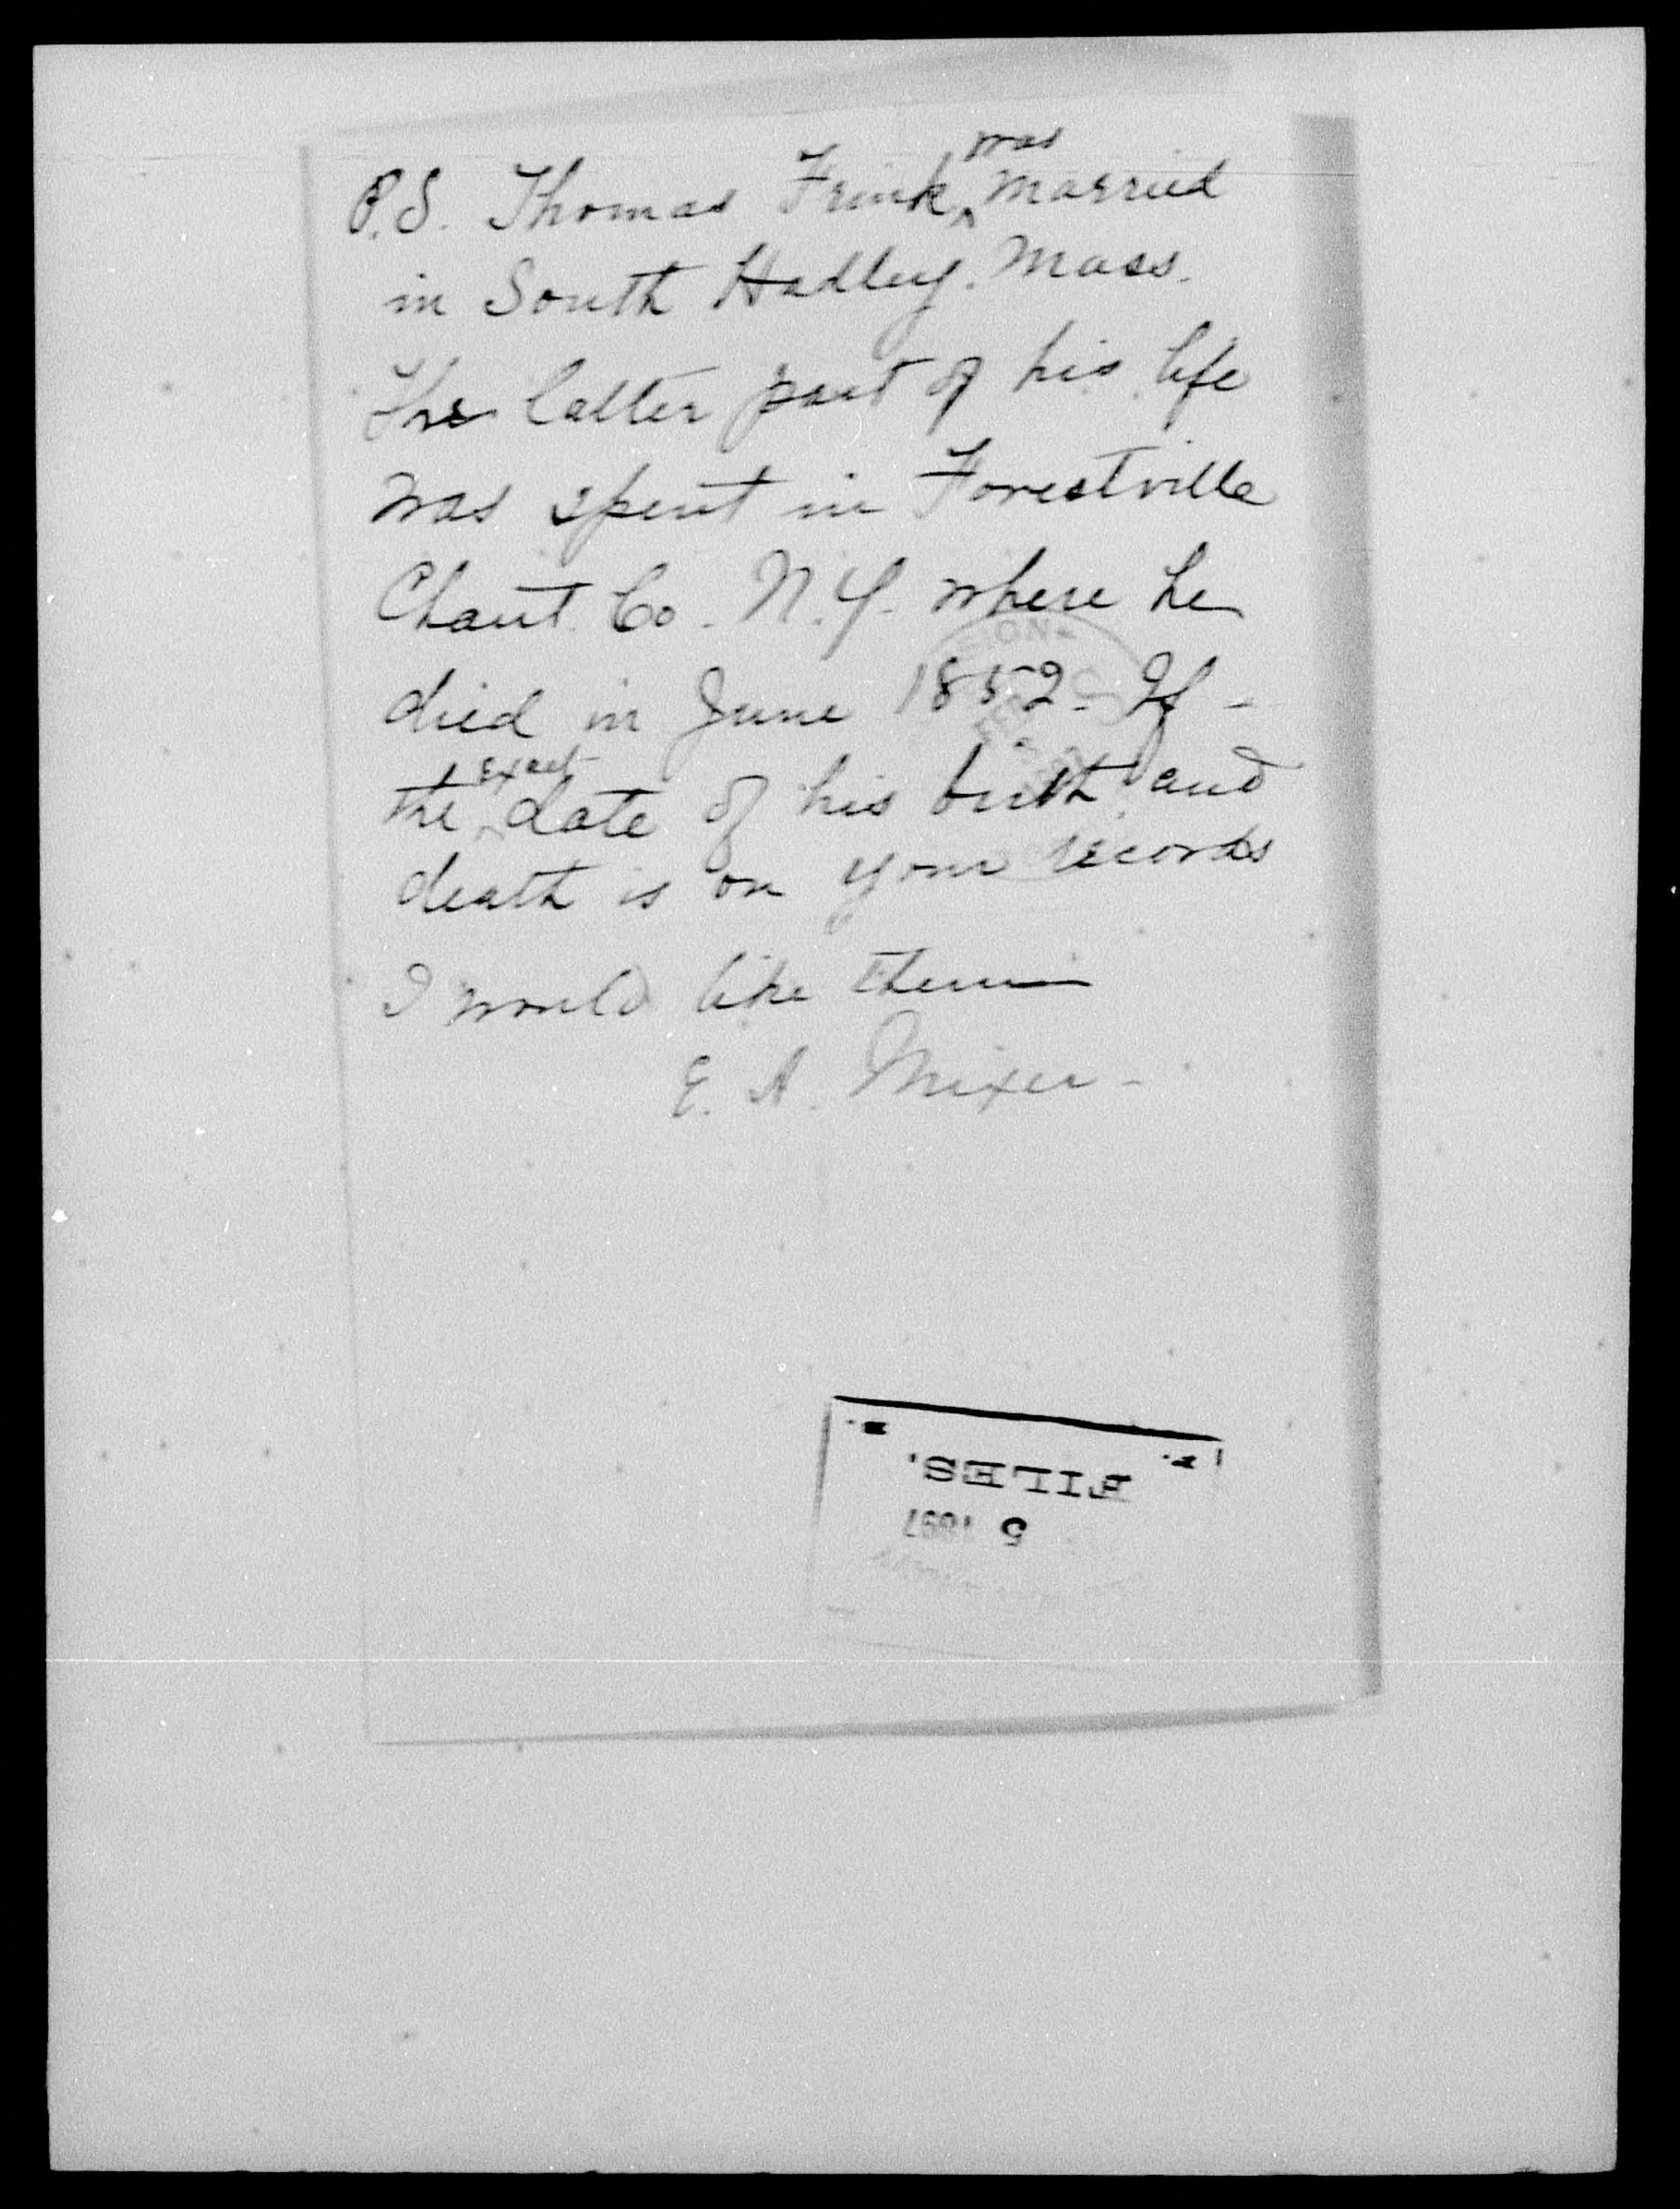P.S.  Thomas frink was married in South Hadley, Mass.  This latter part of his life was spent in Forrestville Chaut. Co. N. Y. where he died in June 1852.  If the exact date of his birth and death is on your records I would like them.
                                 E.A.  Mixer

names: Thomas Frink, E A Mixer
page: 26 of 33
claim: survivor's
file: S 43571, Thomas Frink, Mass.